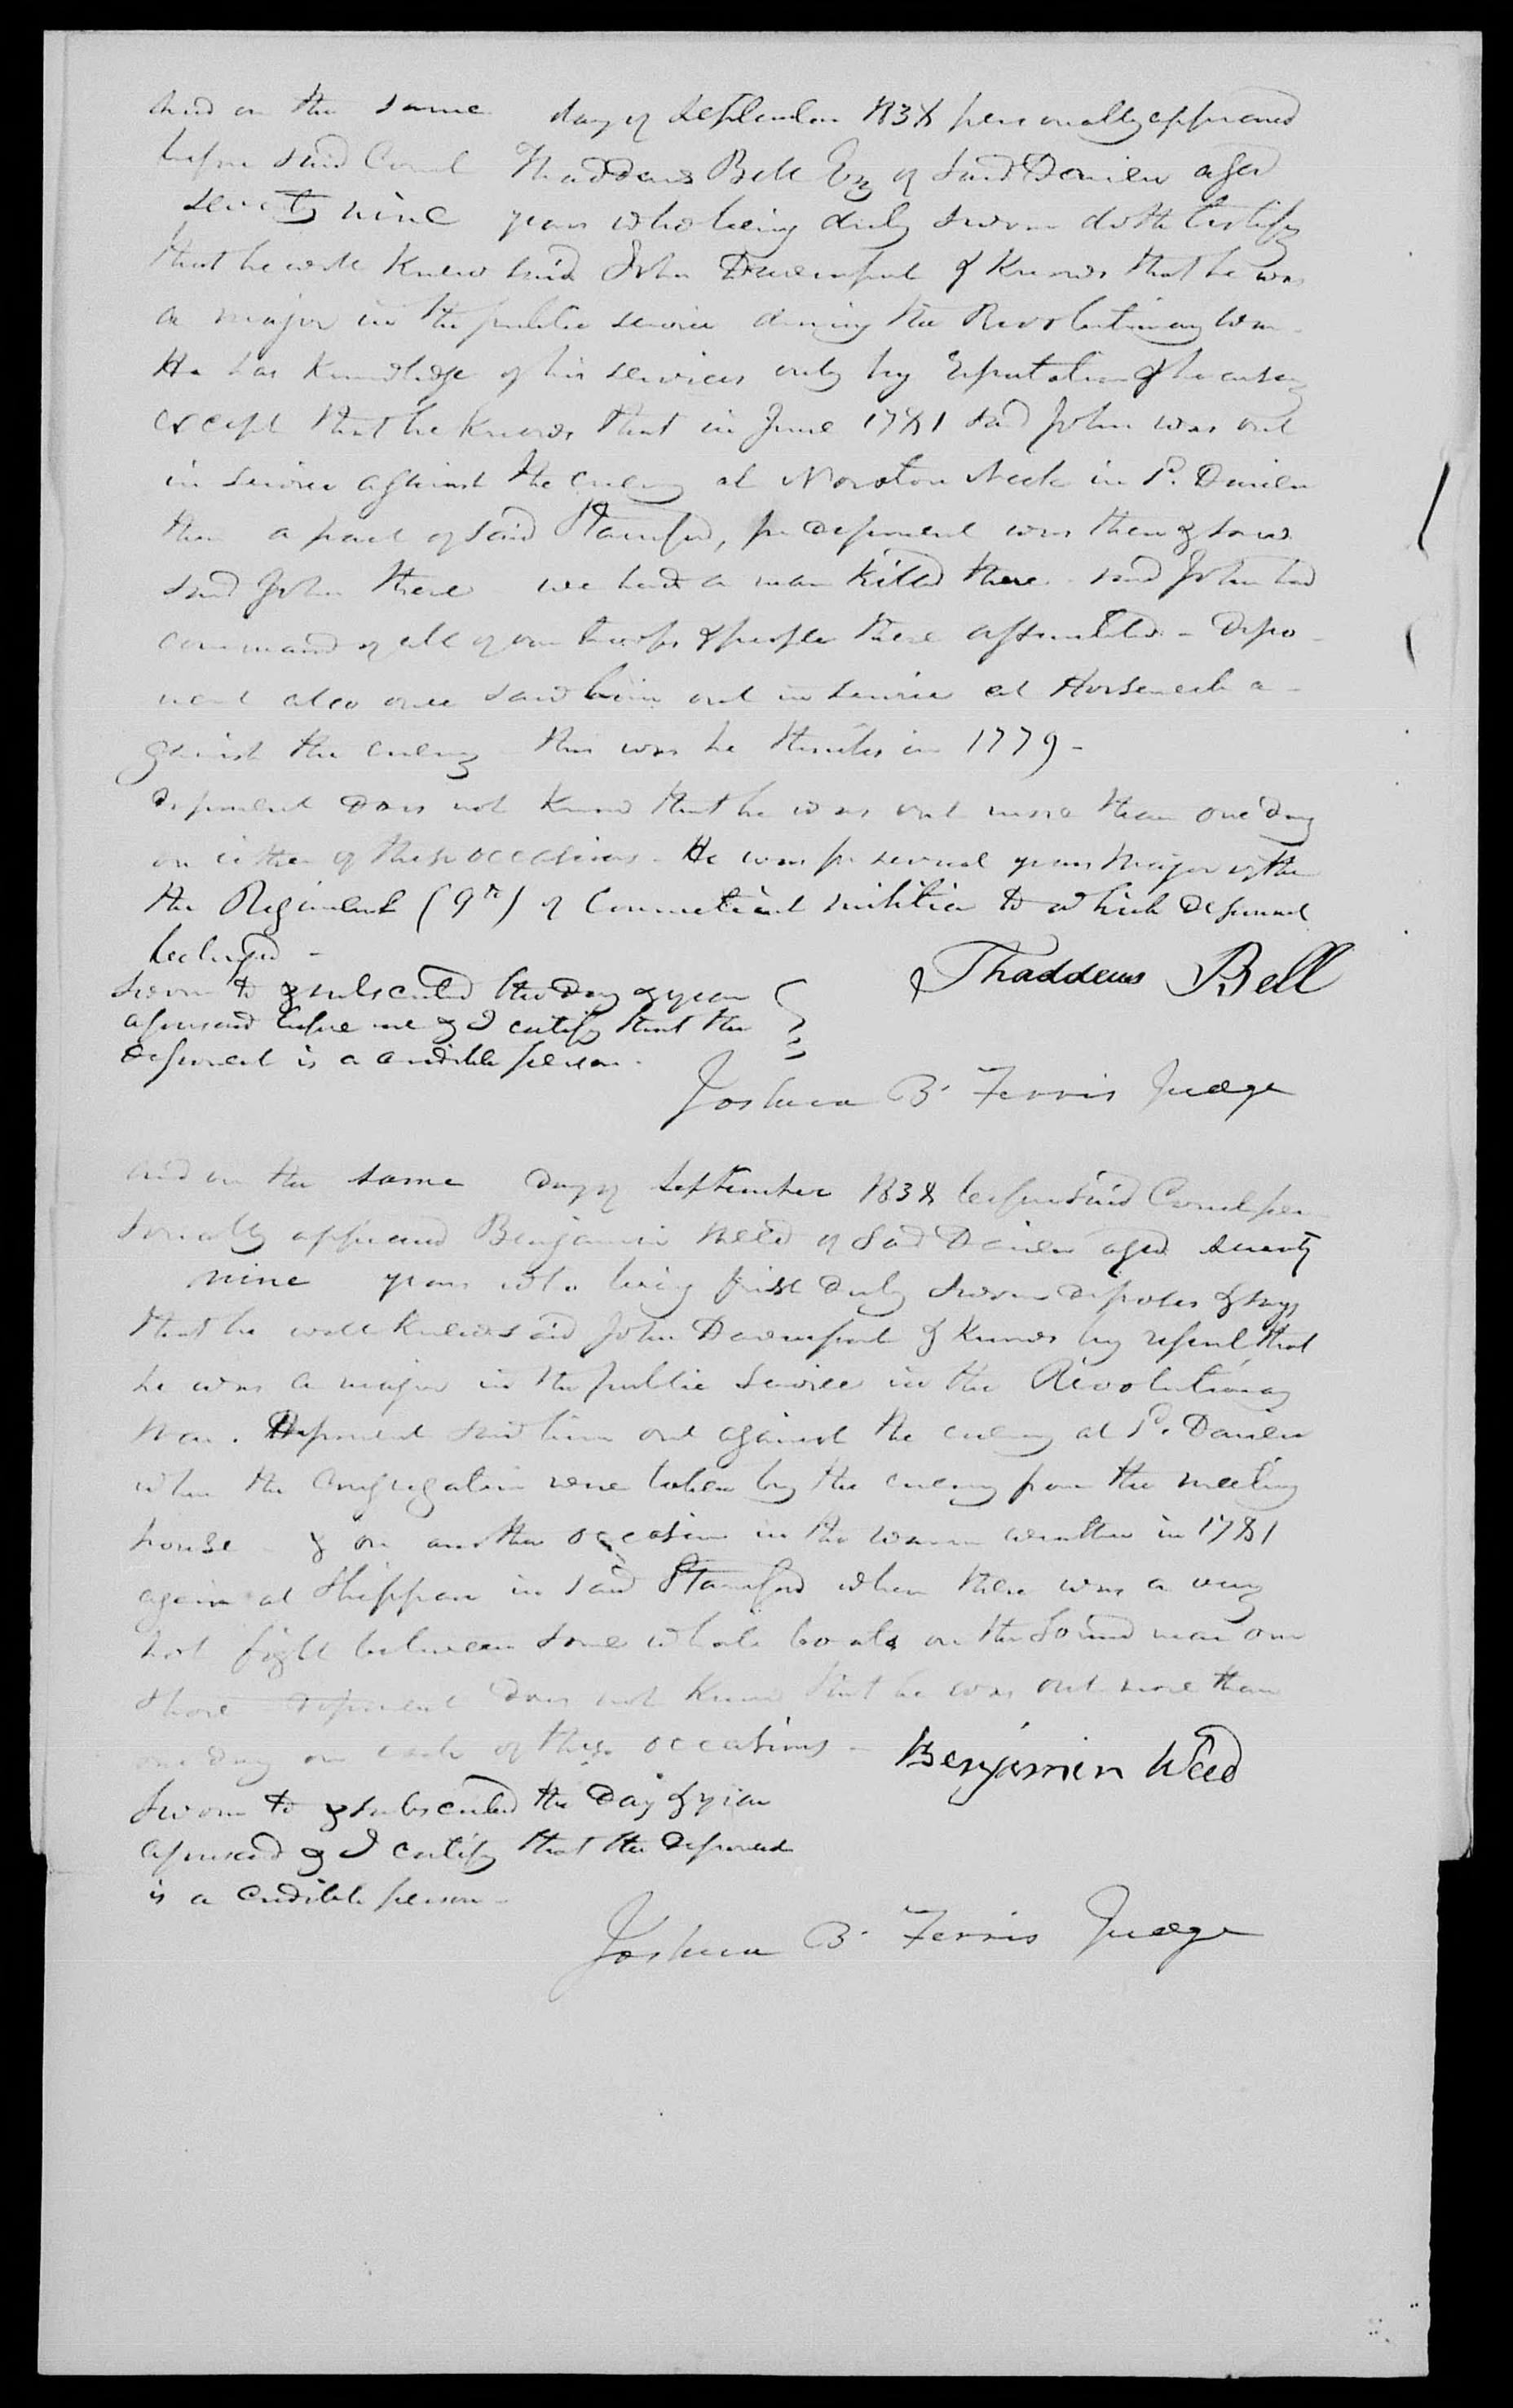and on the same day of September 1838 here [illegible] appeared before the Court Thaddeus Bell of said Darien aged seventy nine hears who being duly sworn doth testify that he [illegible] knew said John Davenport & knows that he was a major in the public service during the Revolutionary War--he has knowledge of his services only by reputation of the [illegible] except that he knows that in June 1781 said John was out in serve against the enemy at [illegible] Neck in P. Darien then a part of said Stamford, deponent was there & saw said John there we had a man killed there and John had command of all of our troops [illegible] Deponent also once saw him out in service at Horseneck against the enemy this was he thinks in 1779--
Deponent does not know that he was our more than one day on either of those occasions. He was for several years Major with the H Regiment (9th) of Connecticut Militia to which Deponent belonged--

Thaddeus Bell
Sworn & subscribed the day & year aforesaid before me & I certify that the deponent is a credible person
Joshua B. Ferris Judge

and on the same day of September 1838 before said Court personally appeared Benjamin Weed of said Darien aged seventy nine years who being first duly sworn deposes & says that he well knows said John Davenport & knows by [illegible] that he was a major in the public service in the Revolutionary War. Deponent saw him out against the enemy at P. Darien when the Congregation were taken by the enemy from the meeting house & on another occasion in the warm weather in 1781 again at Shippan in said Stamford when there was a very hot fight between some whale boats on the Town near our shore defense does not know that he was out more than one day on each of these occasions
Benjamin Weed
Sworn to & subscribed the day & year aforesaid & I certify that the deponent is a credible person
Joshua B. Ferris Judge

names: Benjamin Weed, Thaddeus Bell, Benjamin Weed, Joshua B Ferris, John, John, John Davenport, Thaddeus Bell, John, John Davenport, Joshua B Ferris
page: 13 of 15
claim: widow's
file: W 17711, John Davenport, Conn.